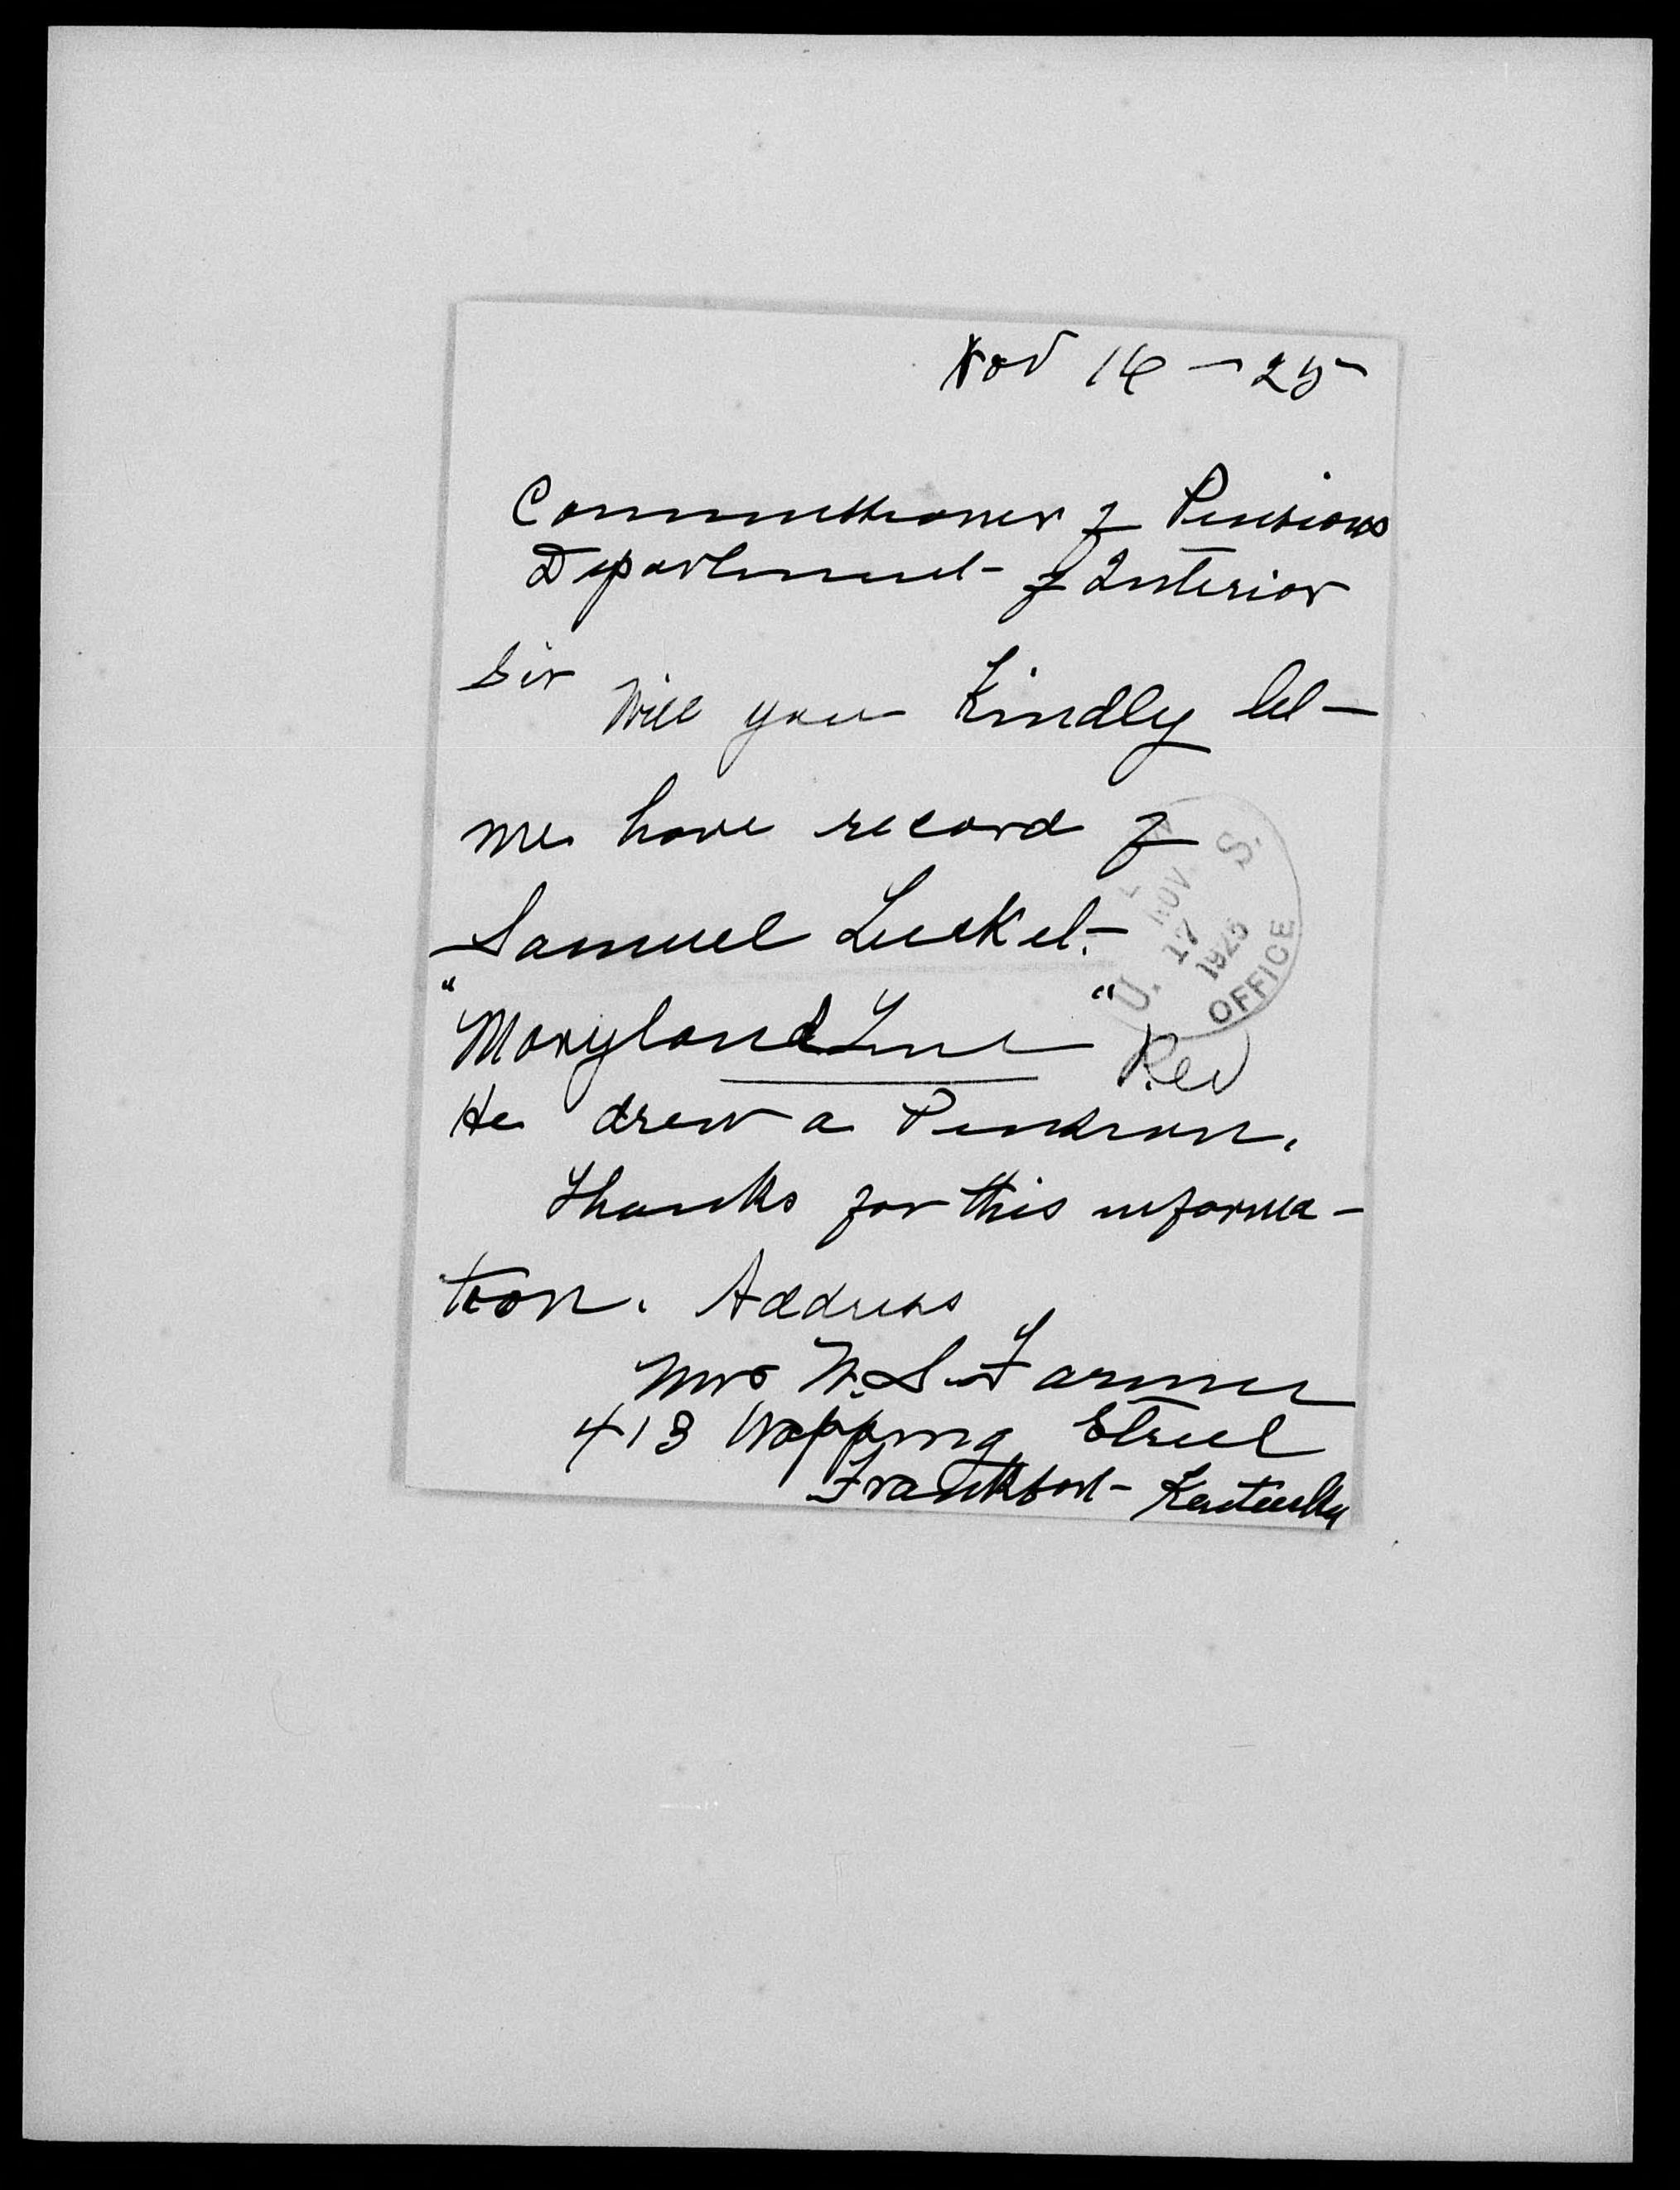Nov 16 - 25

Commissioner of Pensions
Department of Interior

Sir

Will you kindly let me have record of Samuel Lucket - Maryland Line. He drew a pension.

Thanks for this information5

Address:

Mrs. W.S. Farmer
413 Wapping Street
Frankfort, Kentucky

US PENSINO OFFICE STAMP - Nov 17, 1923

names: Samuel Lucket; W S Farmer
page: 15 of 34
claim: survivor's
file: S. 36,051, for Samuel Luckett, Maryland